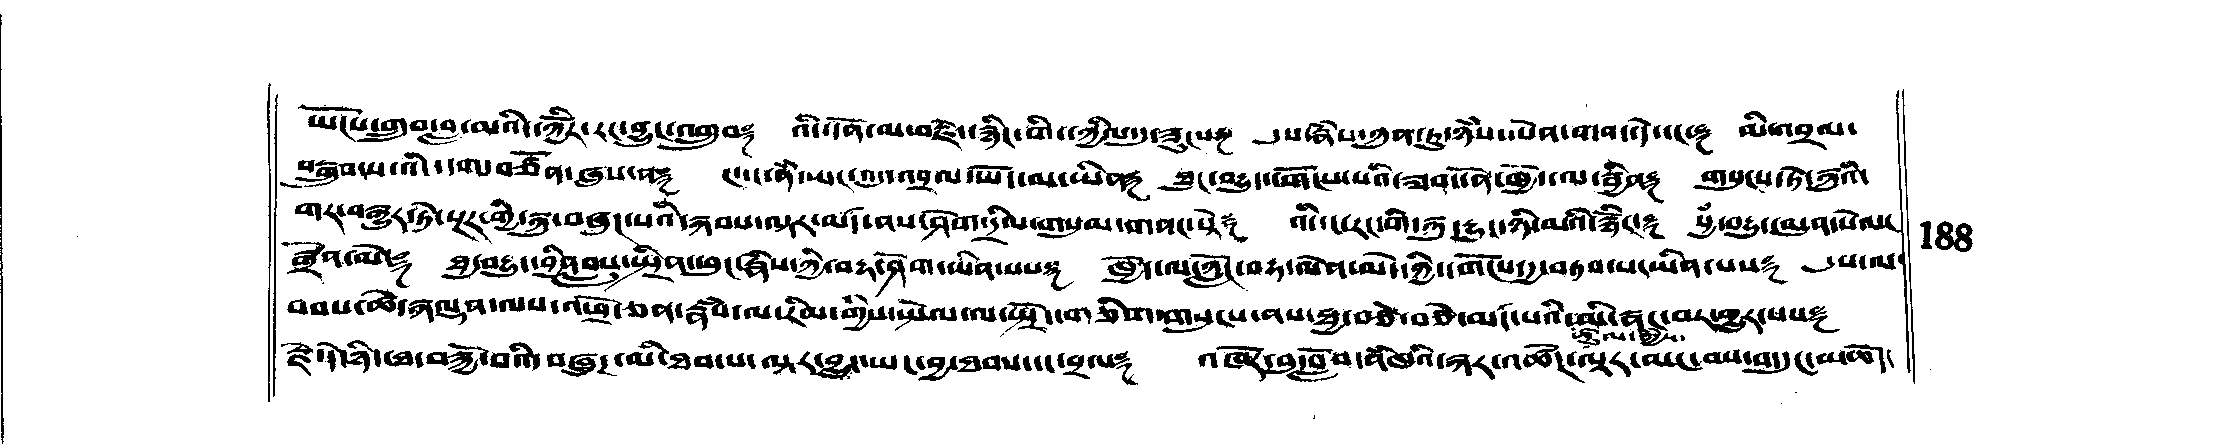།ཡོངས་གྲུབ་བླ་མའི་དཀྱིལ་འཁོར་རང་བྱུང་འགྲུབ། །འདི་དོན་མ་བརྗེད་སྙིང་གི་དཀྱིལ་དུ་ཟུངས། །དུས་རྣམས་ཀུན་ཏུ་ཉམས་ལེན་གནད་དེ་དང་། །མི་འབྲལ་
བསྒྲུབ་པ་འདི་དག་བརྩོན་ནུས་ན། །ང་དང་ནམ་ཡང་འདུ་འབྲལ་ཡོད་མ་ཡིན། །ཐུགས་བརྒྱུད་དགོངས་པའི་ཟབ་དོན་ཁྱོད་ལ་སྦྱིན། །གསུངས་ཏེ་སྐུའི་
གར་བསྒྱུར་ཏེ་སྔར་གྱི་སྐུ་བཞུགས་པའི་སྐབས་ལྟར་མཛད་ནས་ཤོག་དྲིལ་གསུམ་གནང་སྟེ། འདི་ང་རང་གི་སྐུ་རྒྱུད་ཉི་མའི་སྙིང་པོ། གསུང་བརྒྱུད་མུན་སེལ་
སྒྲོན་མེ། ཐུགས་བརྒྱུད་བྱིན་རླབས་སྤྲིན་ཕུང་རྣམས་ཀྱི་བརྡ་ཤོག་ཡིན་པས། ཁྱོད་ལ་ཀློང་བརྡ་ལེན་མེད་ཀྱི་དགོངས་རྒྱ་བཏབ་པ་ཡིན་པས། དུས་ལ་
བབས་ཚེ་སྐལ་ལྡན་ལས་འཕྲོ་ཅན་རྣམས་ལ་རིམ་གྱིས་སྤེལ་ལ་སྤྲོད་གཅིག་གསུངས་ནས་ཐུགས་བརྩེ་བརྩེ་མཛད་པའི་ཚུལ་གྱིས་མི་སྣང་བར་གྱུར་པས། 
རྗེ་དེ་ཉིད་ཐུགས་སྐྱོ་བའི་བཞུགས་མི་ཐུབ་པ་ལྟར་བྱུང་ཡང་བྱ་ཐབས་དང་བྲལ། འཁོར་བུ་སློབ་ནམ་མཁའི་སྐར་ཚོགས་ལྟར་མང་བས་གདུང་མཆོད་